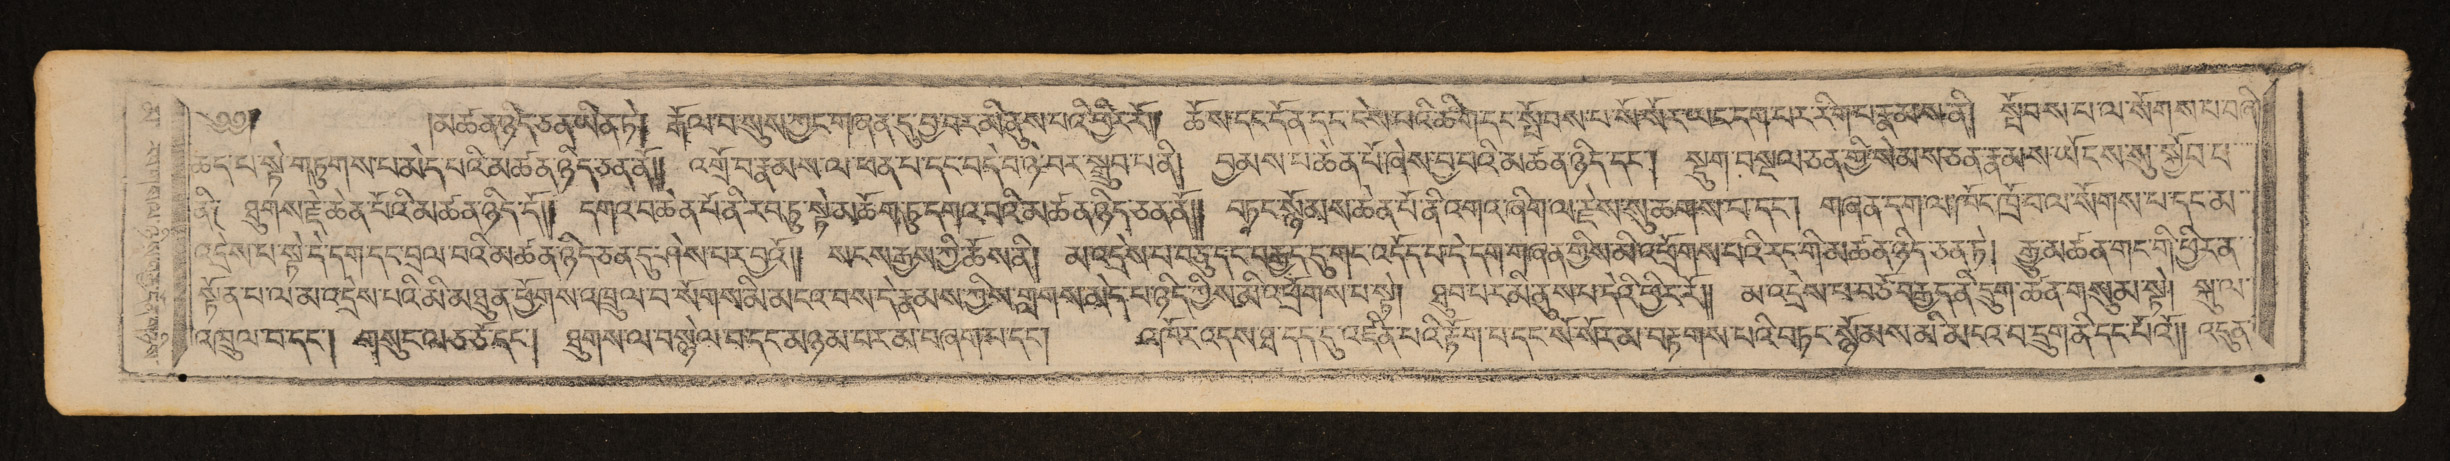༄༅། །མཚན་ཉིད་ཅན་ཡིན་ཏེ། རྒོལ་བ་སུས་ཀྱང་གཞན་དུ་བྱ་བར་མི་ནུས་པའི་ཕྱིར་རོ།། ཆོས་དང་དོན་དང་ངེས་པའི་ཚིག་དང་སྤོབས་པ་སོ་སོར་ཡང་དག་པར་རིག་པ་རྣམས་ནི། སྤོབས་པ་ལ་སོགས་པ་བཞི་
ཆད་པ་སྟེ་གཏུགས་པ་མེད་པའི་མཚན་ཉིད་ཅན་ནོ།། འགྲོ་བ་རྣམས་ལ་ཕན་པ་དང་བདེ་བ་ཉེ་བར་སྒྲུབ་པ་ནི། བྱམས་པ་ཆེན་པོ་ཞེས་བྱ་བའི་མཚན་ཉིད་དང་། སྡུག་བསྔལ་ཅན་གྱི་སེམས་ཅན་རྣམས་ཡོངས་སུ་སྐྱོབ་པ་
ནི༑ ཐུགས་རྗེ་ཆེན་པོའི་མཚན་ཉིད་དོ།། དགའ་བ་ཆེན་པོ་ནི་རབ་ཏུ་སྟེ་མཆོག་ཏུ་དགའ་བའི་མཚན་ཉིད་ཅན་ནོ།། བཏང་སྙོམས་ཆེན་པོ་ནི་འགའ་ཞིག་ལ་རྗེས་སུ་ཆགས་པ་དང་། གཞན་དག་ལ་ཁོང་ཁྲོ་བ་ལ་སོགས་པ་དང་མ་
འདྲེས་པ་སྟེ་དེ་དག་དང་བྲལ་བའི་མཚན་ཉིད་ཅན་དུ་ཤེས་པར་བྱའོ།། སངས་རྒྱས་ཀྱི་ཆོས་ནི། མ་འདྲེས་པ་བཅུ་དང་བརྒྱད་དུ་གང་འདོད་པ་དེ་དག་གཞན་གྱིས་མི་འཕྲོགས་པའི་རང་གི་མཚན་ཉིད་ཅན་ཏེ། རྒྱུ་མཚན་གང་གི་ཕྱིར་ན་
སྟོན་པ་ལ་མ་འདྲེས་པའི་མི་མཐུན་ཕྱོགས་འཁྲུལ་བ་སོགས་མི་མངའ་བས་དེ་རྣམས་ཀྱིས་གླགས་མེད་པ་ཉིད་ཀྱིས་མི་འཕྲོགས་པ་སྟེ། ཐུབ་པར་མི་ནུས་པ་དེའི་ཕྱིར་རོ།། མ་འདྲེས་པ་བཅོ་བརྒྱད་ནི་དྲུག་ཚན་གསུམ་སྟེ། སྐུ་ལ་
འཁྲུལ་བ་དང་། གསུང་ལ་ཅ་ཅོ་དང་། ཐུགས་ལ་བསྙེལ་བ་དང་མཉམ་བར་མ་བཞག་པ་དང་། འཁོར་འདས་ཐ་དད་དུ་འཛིན་པའི་རྟོག་པ་དང་སོ་སོར་མ་བརྟགས་པའི་བཏང་སྙོམས་མི་མངའ་བ་དྲུག་ནི་དང་པོའོ།། འདུན་